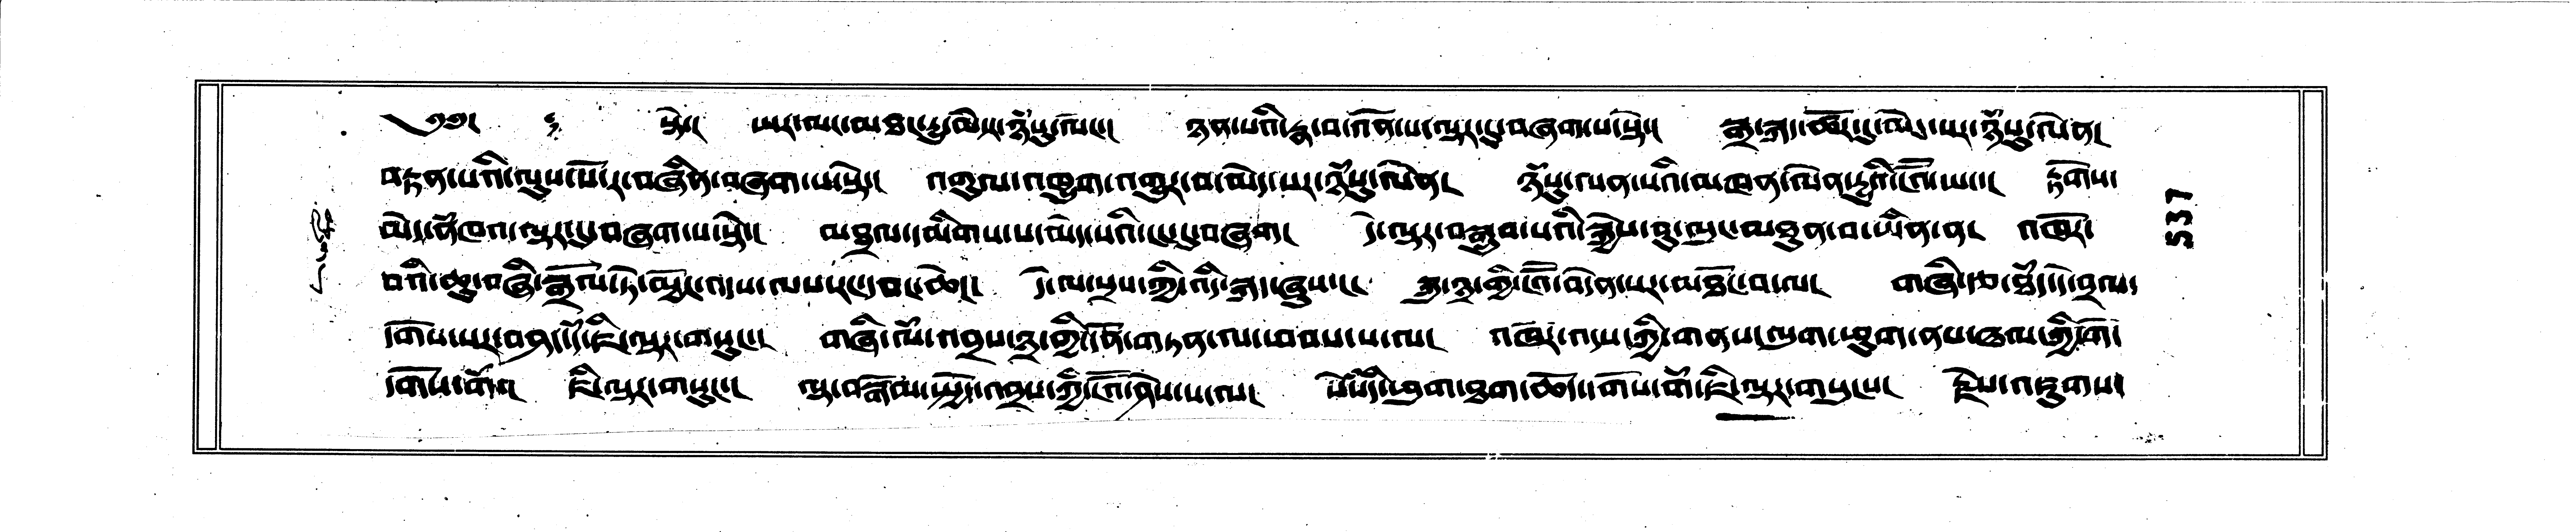སྟེ། ཧར་ལོང་མཐོང་རྒྱུ་མེད་པར་ཉམས་སུ་ལོང་། ཉན་པའི་རྣ་བ་ནི་འོན་པ་ལྟར་དུ་བཞག་པ་སྟེ། 
 འཆགས་འཆུག་འགྱུར་བ་མེད་པར་ཉམས་སུ་ལོང་། ཉམས་སུ་ལེན་མཁན་ལེན་རྒྱུའི་ངོའོ་ཡང་། རྟོག་
 མེད་ནམ་མཁའ་ལྟ་བུ་བཞག་པ་སྟེ། མཐའ་བྲལ་དམིགས་པ་མེད་པའི་ངང་དུ་ཞོག དེ་ལྟར་འགྲུབ་པའི་སྐྱེས་བུ་ལུང་མཐུན་བུ་ཡིན་པས། འཁོར་
བའི་ཆུ་བཞི་བསྒྲ་༼སྒྲོལ༽སྟེ་མྱང་འདས་ལ་རང་དབང་ཆེ། དེ་ལ་སྲས་ཀྱི་འདི་སྐད་ཞུས། སྐུ་གསུམ་ངོའོ་བདེན་པར་མཐོང་པ་ལ། གཞི་ཐམས་ཅད་དང་བྲལ་
དགོས་པ་བཤད་དམ་ཅི་ལྟར་གསུངས། གཞི་ལམ་འབྲས་གསུམ་གྱི་དོན་གཏན་ལ་ཕེབ་པར་ལ། འཁོར་འདས་ཀྱིས་གནས་ལུགས་ཡུལ་ནས་གོ་དགོས་
སམ་ ཅི་ལྟར་གསུངས། ལྟ་སྒོམ་སྤྱོད་འབྲས་ཀྱི་ངོའོ་ཤེས་པ་ལ། སེམས་ཉིད་ཀྱི་ཕུ་ཐག་ཆོད་དགོས་སམ་ཅི་ལྟར་གསུངས། རྗེས་འཇུག་